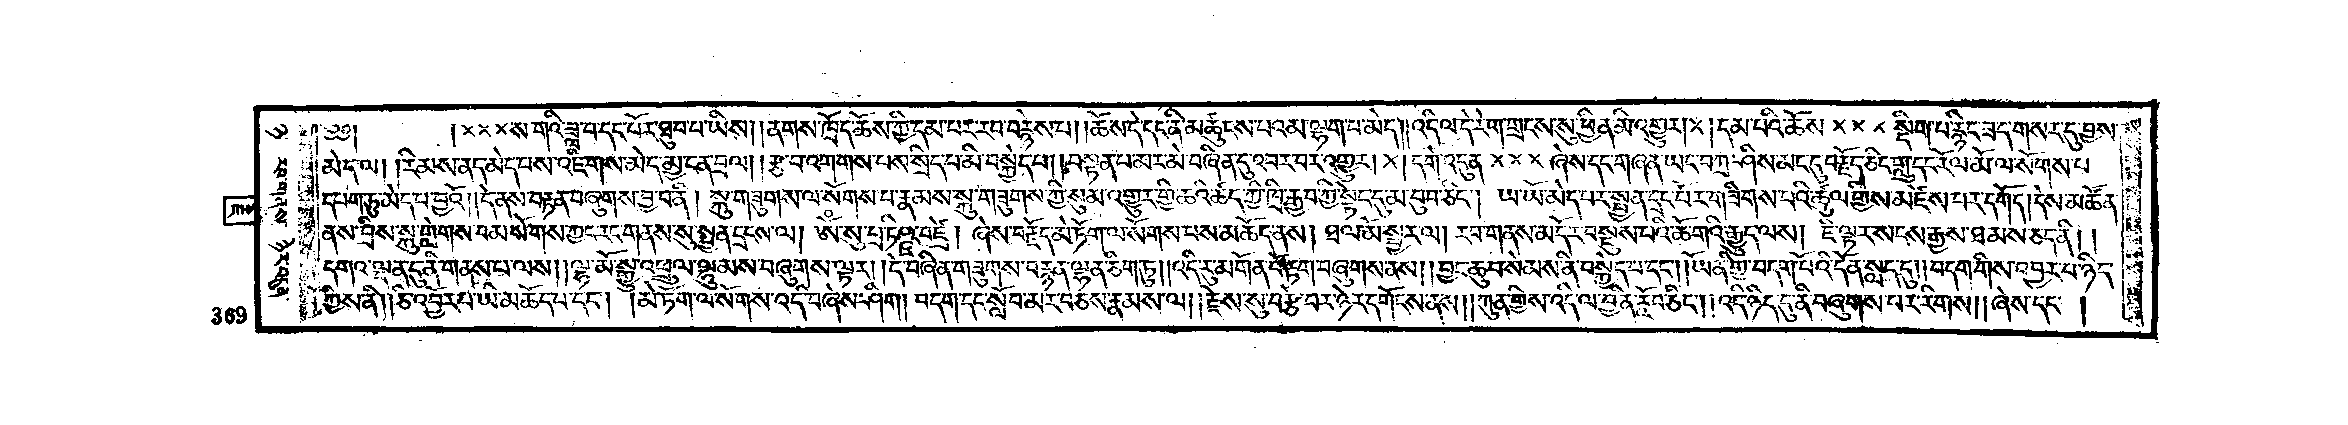༄༅། །྾྾྾་ས་གའི་ཟླ་བ་དང་པོར་ཐུབ་པ་ཡིས། །ནགས་ཁྲོད་ཆོས་ཀྱི་དམ་པར་རབ་བརྙེས་པ། །ཆོས་དེ་དང་ནི་མཚུངས་པའམ་ལྷག་པ་མེད། །འདི་ལ་དེ་རེག་གྲངས་སུ་ཕྱིན་མི་འགྱུར། ྾། དམ་པའི་ཆོས་྾྾྾་སྡིག་པ་རྙིང་ཟད་གསར་དུ་བྱས་
མེད་ལ། །རིམས་ནད་མེད་པས་འཇིགས་མེད་མྱ་ངན་བྲལ། །རྩ་བ་འགགས་པས་སྲིད་པ་མི་བསྐྱེད་པ། །བསྟན་པ་མར་མེ་བཞིན་དུ་འབར་བར་འགྱུར། ྾། དགེ་འདུན་྾྾྾་ཞེས་དང་གཞན་ཡང་བཀྲ་ཤིས་མང་དུ་བརྗོད་ཅིང་གླུ་དང་རོལ་མོ་ལ་སོགས་པ་
དཔག་ཏུ་མེད་པ་བྱའོ། །དེ་ནས་བརྟན་བཞུགས་བྱ་བ་ནི། སྐུ་གཟུགས་ལ་སོགས་པ་རྣམས་སྐུ་གཟུགས་ཀྱི་སུམ་འགྱུར་གྱི་ཆའི་ཚད་ཀྱི་ཁྲི་རྒྱབ་ཀྱི་སྟེང་དུ་མ་བུབ་ཅིང་། ཡ་ཡོ་མེད་པར་སྤྱན་དྲང་པོར་གཟིགས་པའི་ཚུལ་གྱིས་མཛེས་པར་དགོད། དེས་མཚོན་
ནས་བྲིས་སྐུ་གླེགས་བམ་སོགས་ཀྱང་རང་གནས་སུ་སྤྱན་དྲངས་ལ། ཨོཾ་སུ་པྲ་ཏིཥཊཿཨ་བཛྲེ། ཞེས་བརྗོད་མེ་ཏོག་ལ་སོགས་པས་མཆོད་ནས། ཐལ་མོ་སྦྱར་ལ། རབ་གནས་མདོར་བསྡུས་པའི་ཆོ་གའི་རྒྱུད་ལས། ཇི་ལྟར་སངས་རྒྱས་ཐམས་ཅད་ནི། །
དགའ་ལྡན་དུ་ནི་གནས་པ་ལས། །ལྷ་མོ་སྒྱུ་འཕྲུལ་ལྷུམས་བཞུགས་ལྟར། །དེ་བཞིན་གཟུགས་བརྙན་ལྷན་ཅིག་ཏུ། །འདི་རུ་མགོན་པོ་རྟག་བཞུགས་ནས། །བྱང་ཆུབ་སེམས་ནི་བསྐྱེད་པ་དང་། །ཡོན་གྱི་བདག་པོའི་དོན་སླད་དུ། །བདག་གིས་འབྱོར་པ་ཉིད་
ཀྱིས་ནི། །ཅི་འབྱོར་བ་ཡི་མཆོད་པ་དང་། །མེ་ཏོག་ལ་སོགས་འདི་བཞེས་ཤིག །བདག་དང་སློབ་མར་བཅས་རྣམས་ལ། །རྗེས་སུ་བརྩེ་བར་ཉེར་དགོངས་ནས། །ཀུན་གྱིས་འདི་ལ་བྱིན་རློབ་ཅིང་། །འདི་ཉིད་དུ་ནི་བཞུགས་པར་རིགས། །ཞེས་དང་།